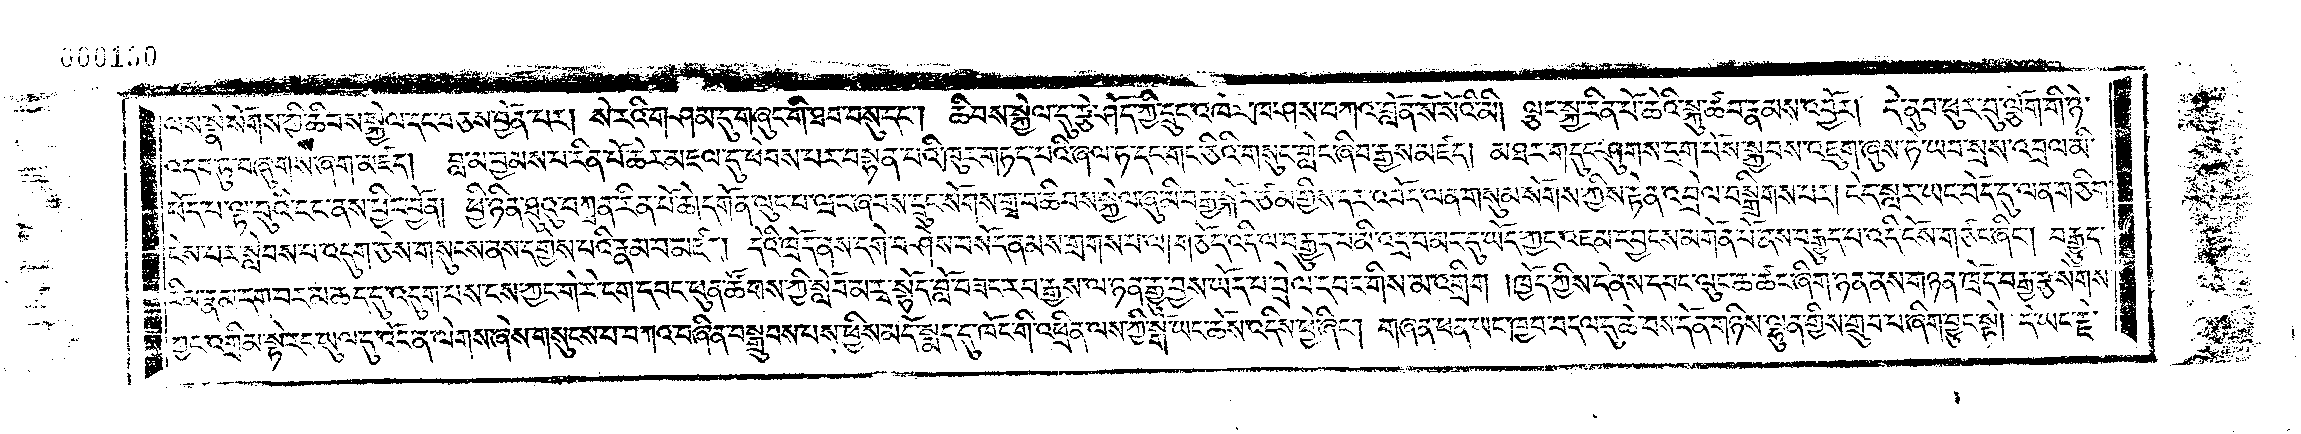ལས་སྣེ་སོགས་ཀྱིས་ཆིབས་སྐྱེལ་དང་བཅས་བྱོན་པར། སེ་རའི་གཤམ་དུ་གཞུང་གི་ཐབ་བསུ་དང་། ཆིབས་སྐྱེལ་དུ་རྩེ་ཤོད་ཀྱི་དྲུང་འཁོར་ཁ་ཤས་བཀའ་བློན་སོ་སོའི་མི། ལྕང་སྐྱ་རིན་པོ་ཆེའི་སྐུ་ཚབ་རྣམས་འབྱོར། དེ་ནུབ་ཕུར་བུ་ལྕོག་གི་ཉེ་
འདབ་ཏུ་བཞུགས་ཞག་མཛད། བླ་མ་བྱམས་པ་རིན་པོ་ཆེར་མཇལ་དུ་ཕེབས་པར་བསྟན་པའི་ཁུར་གཏན་པའི་ཞལ་ཏ་དང་གང་ཅིའི་གསུང་གླེང་ཞིབ་རྒྱས་མཛད། མཐར་གདུང་ཤུགས་དྲག་པོས་སྐྱབས་འཇུག་ཞུས་ཏེ་ཡབ་སྲས་འབྲལ་མི་
ཕོད་པ་ལྟ་བུའི་ངང་ནས་ཕྱིར་བྱོན། ཕྱི་ཉིན་ཐུའུ་བཀྭན་རིན་པོ་ཆེ། དགོན་ལུང་པ་ཝང་ཞབས་དྲུང་སོགས་གྲྭ་བ་ཆིབས་སྐྱེལ་ཞུ་མི་བརྒྱ་སྐོར་ཙམ་གྱིས་དར་འབོད་ལན་གསུམ་སོགས་ཀྱིས་རྟེན་འབྲེལ་བསྒྲིགས་པར། ངེད་སླར་ཡང་བོད་དུ་ལན་གཅིག་
ངེས་པར་སླེབས་པ་འདུག་ཅེས་གསུངས་ནས་དགྱེས་པའི་རྣམ་པ་མཛད། དེའི་ཁྲོད་ནས་དགེ་བཤེས་བསོད་ནམས་གྲགས་པ་ལ། གཅོད་འདི་ལ་བརྒྱུད་པ་མི་འདྲ་བ་མང་དུ་ཡོད་ཀྱང་འཇམ་དབྱངས་མགོན་པོ་ནས་བརྒྱུད་པ་འདི་ངོས་གཙང་ཞིང་། བརྒྱུད་
རིམ་རྣམ་དག་བར་མ་ཆད་དུ་འདུག་པས་ངས་ཀྱང་ག་རེ་ངག་དབང་ཕུན་ཚོགས་ཀྱི་སློབ་མ་རྭ་སྟོད་བློ་བཟང་རབ་རྒྱས་ལ་ཉན་རྒྱུ་བྱས་ཡོད་པ་བྲེལ་དབང་གིས་མ་འགྲིག །ཁྱོད་ཀྱིས་དེ་ནས་དབང་ལུང་ཆ་ཚང་ཞིག་ཉན་ནས་གཉན་ཁྲོད་བརྒྱ་རྩ་སོགས་
ཀྱང་འགྲིམ་སྟེ་རང་ཡུལ་དུ་འོང་ན་ལེགས་ཞེས་གསུངས་པ་བཀའ་བཞིན་བསྒྲུབས་པས་ཕྱིས་མདོ་སྨད་དུ་ཁོང་གི་འཕྲིན་ལས་ཀྱི་སྒོ་ཡང་ཆོས་འདིས་ཕྱེ་ཞིང་། གཞན་ཕན་ཡང་ཁྱབ་བདལ་དུ་ཆེ་བས་དོན་གཉིས་ལྷུན་གྱིས་གྲུབ་པ་ཞིག་བྱུང་སྟེ། དེ་ཡང་རྗེ་